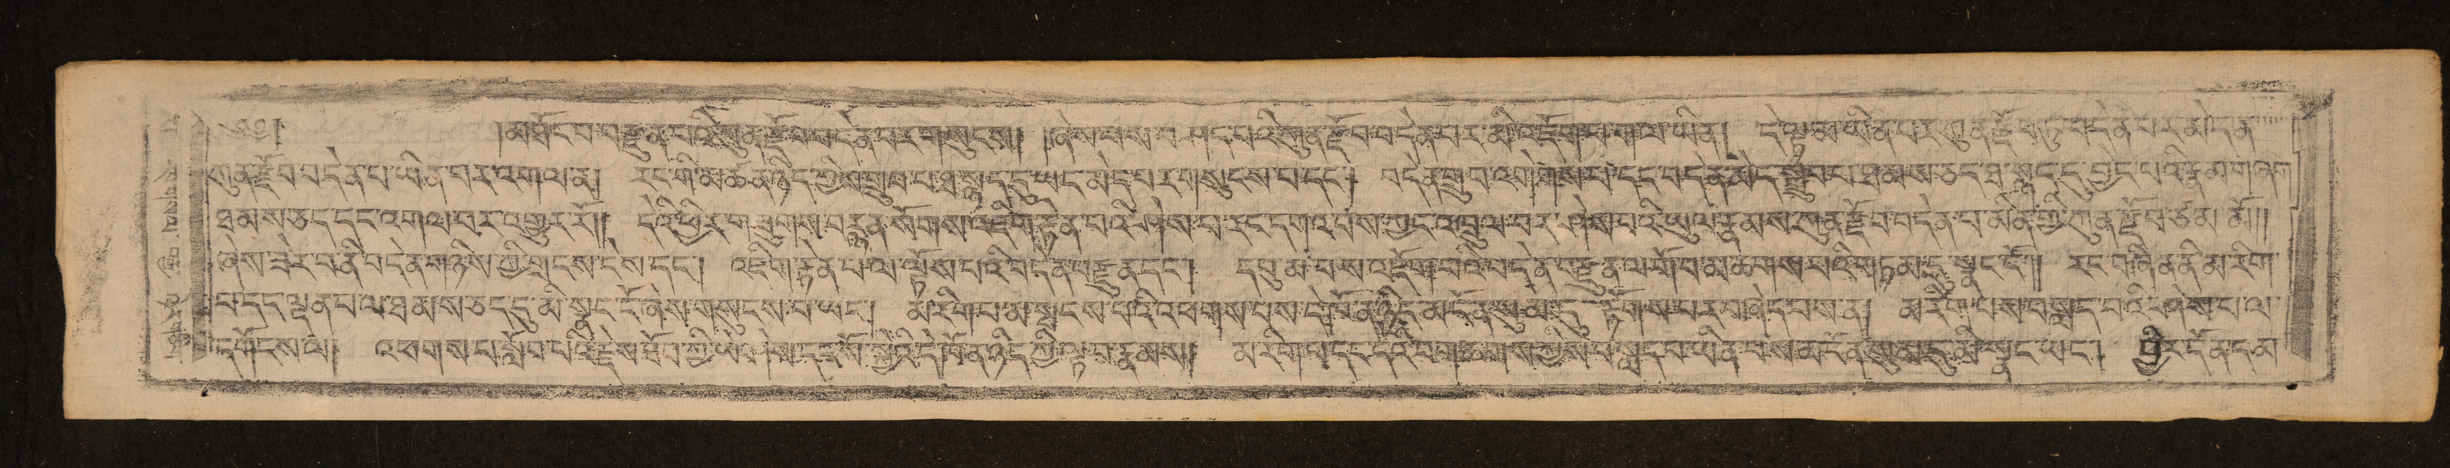༄༅། །མཐོང་བ་བརྫུན་པའི་ཀུན་རྫོབ་བདེན་པར་གསུངས། །ཞེས་པས་བཤད་པའི་ཀུན་རྫོབ་བདེན་པར་མི་འཇོག་པ་ག་ལ་ཡིན། དེ་ལྟ་མ་ཡིན་པར་ཀུན་རྫོབ་ཏུ་བདེན་པར་མེད་ན་
ཀུན་རྫོབ་བདེན་པ་ཡིན་པར་འགལ་ན། རང་གི་མཚན་ཉིད་ཀྱིས་གྲུབ་པ་ཐ་སྙད་དུ་ཡང་མེད་པར་གསུངས་པ་དང་། བདེན་གྲུབ་འགེགས་པ་དང་བདེན་མེད་སྒྲུབ་པ་ཐམས་ཅད་ཐ་སྙད་དུ་བྱེད་པའི་རྣམ་གཞག་
ཐམས་ཅད་དང་འགལ་བར་འགྱུར་རོ།། དེའི་ཕྱིར་གཟུགས་བརྙན་སོགས་འཇིག་རྟེན་པའི་ཤེས་པ་རང་དགའ་བས་ཀྱང་འཁྲུལ་པར་ཤེས་པའི་ཡུལ་རྣམས་ཀུན་རྫོབ་བདེན་པ་མིན་གྱི་ཀུན་རྫོབ་ཙམ་མོ།།
ཞེས་ཟེར་བ་ནི་བདེན་གཉིས་ཀྱི་གྲངས་ངེས་དང་། འཇིག་རྟེན་པ་ལ་ལྟོས་པའི་བདེན་བརྫུན་དང་། དབུ་མ་པས་འཇོག་པའི་བདེན་བརྫུན་ལ་གོ་བ་མ་ཆགས་པའི་གཏམ་དུ་སྣང་ངོ།། རང་བཞིན་ནི་མ་རིག་
པ་དང་ལྡན་པ་ལ་ཐམས་ཅད་དུ་མི་སྣང་ངོ་ཞེས་གསུངས་པ་ཡང་། མ་རིག་པ་མ་སྤངས་པའི་འཕགས་པས་དེ་ཁོ་ན་ཉིད་མངོན་སུམ་དུ་རྟོགས་པར་བཞེད་པས་ན། མ་རིག་པས་བསླད་པའི་ཤེས་པ་ལ་
དགོངས་ལ། འཕགས་པ་སློབ་པའི་རྗེས་ཐོབ་ཀྱི་ཡེ་ཤེས་དང་སོ་སྐྱེའི་དེ་ཁོ་ན་ཉིད་ཀྱི་ལྟ་བ་རྣམས། མ་རིག་པ་དང་དེའི་བག་ཆགས་ཀྱིས་བསླད་པ་ཡིན་པས་མངོན་སུམ་དུ་མི་སྣང་ཡང་། སྤྱིར་དོན་དམ་